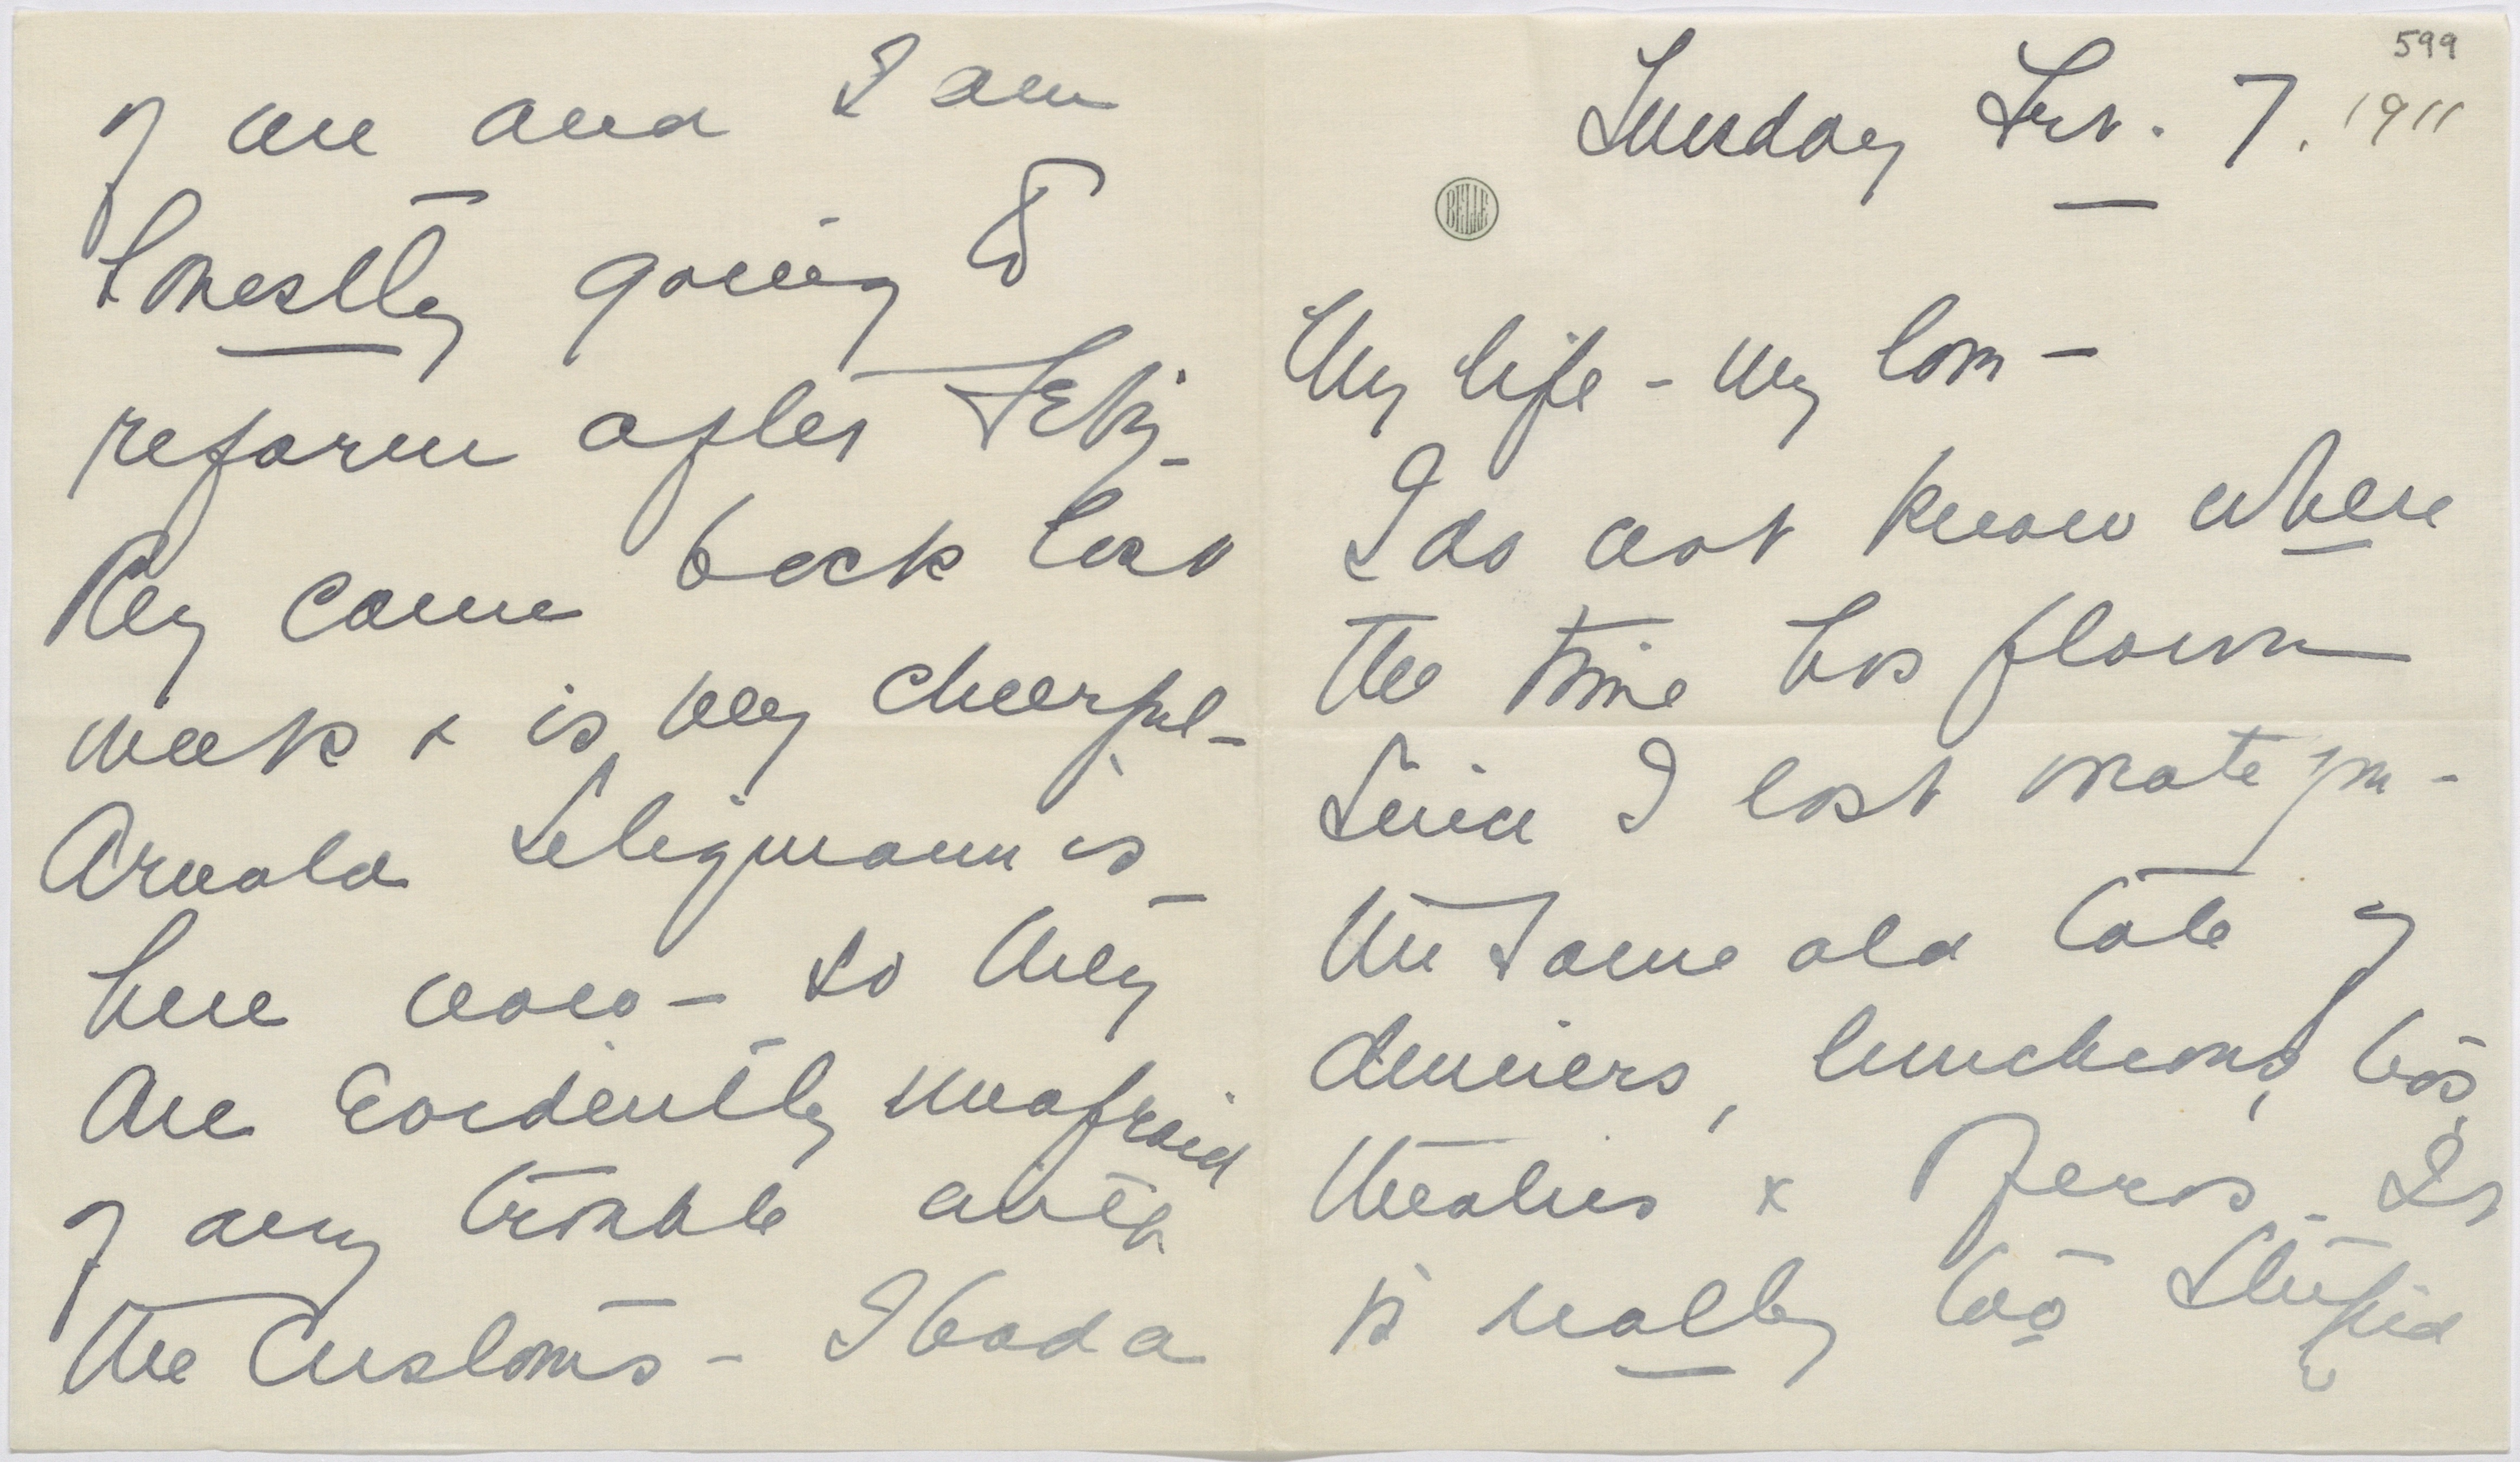Tuesday Feb. 7
–
My life – my love –
I do not know where the time has flown since I last wrote you – the same old tale of dinners, luncheons, teas, theatres & operas – It is really too stupid
of me and I am honestly going to reform after Selig-Rey came back last week & is very cheerful Arnold Seligmann is here now – so they are evidently unafraid of any trouble with the Customs – I had a